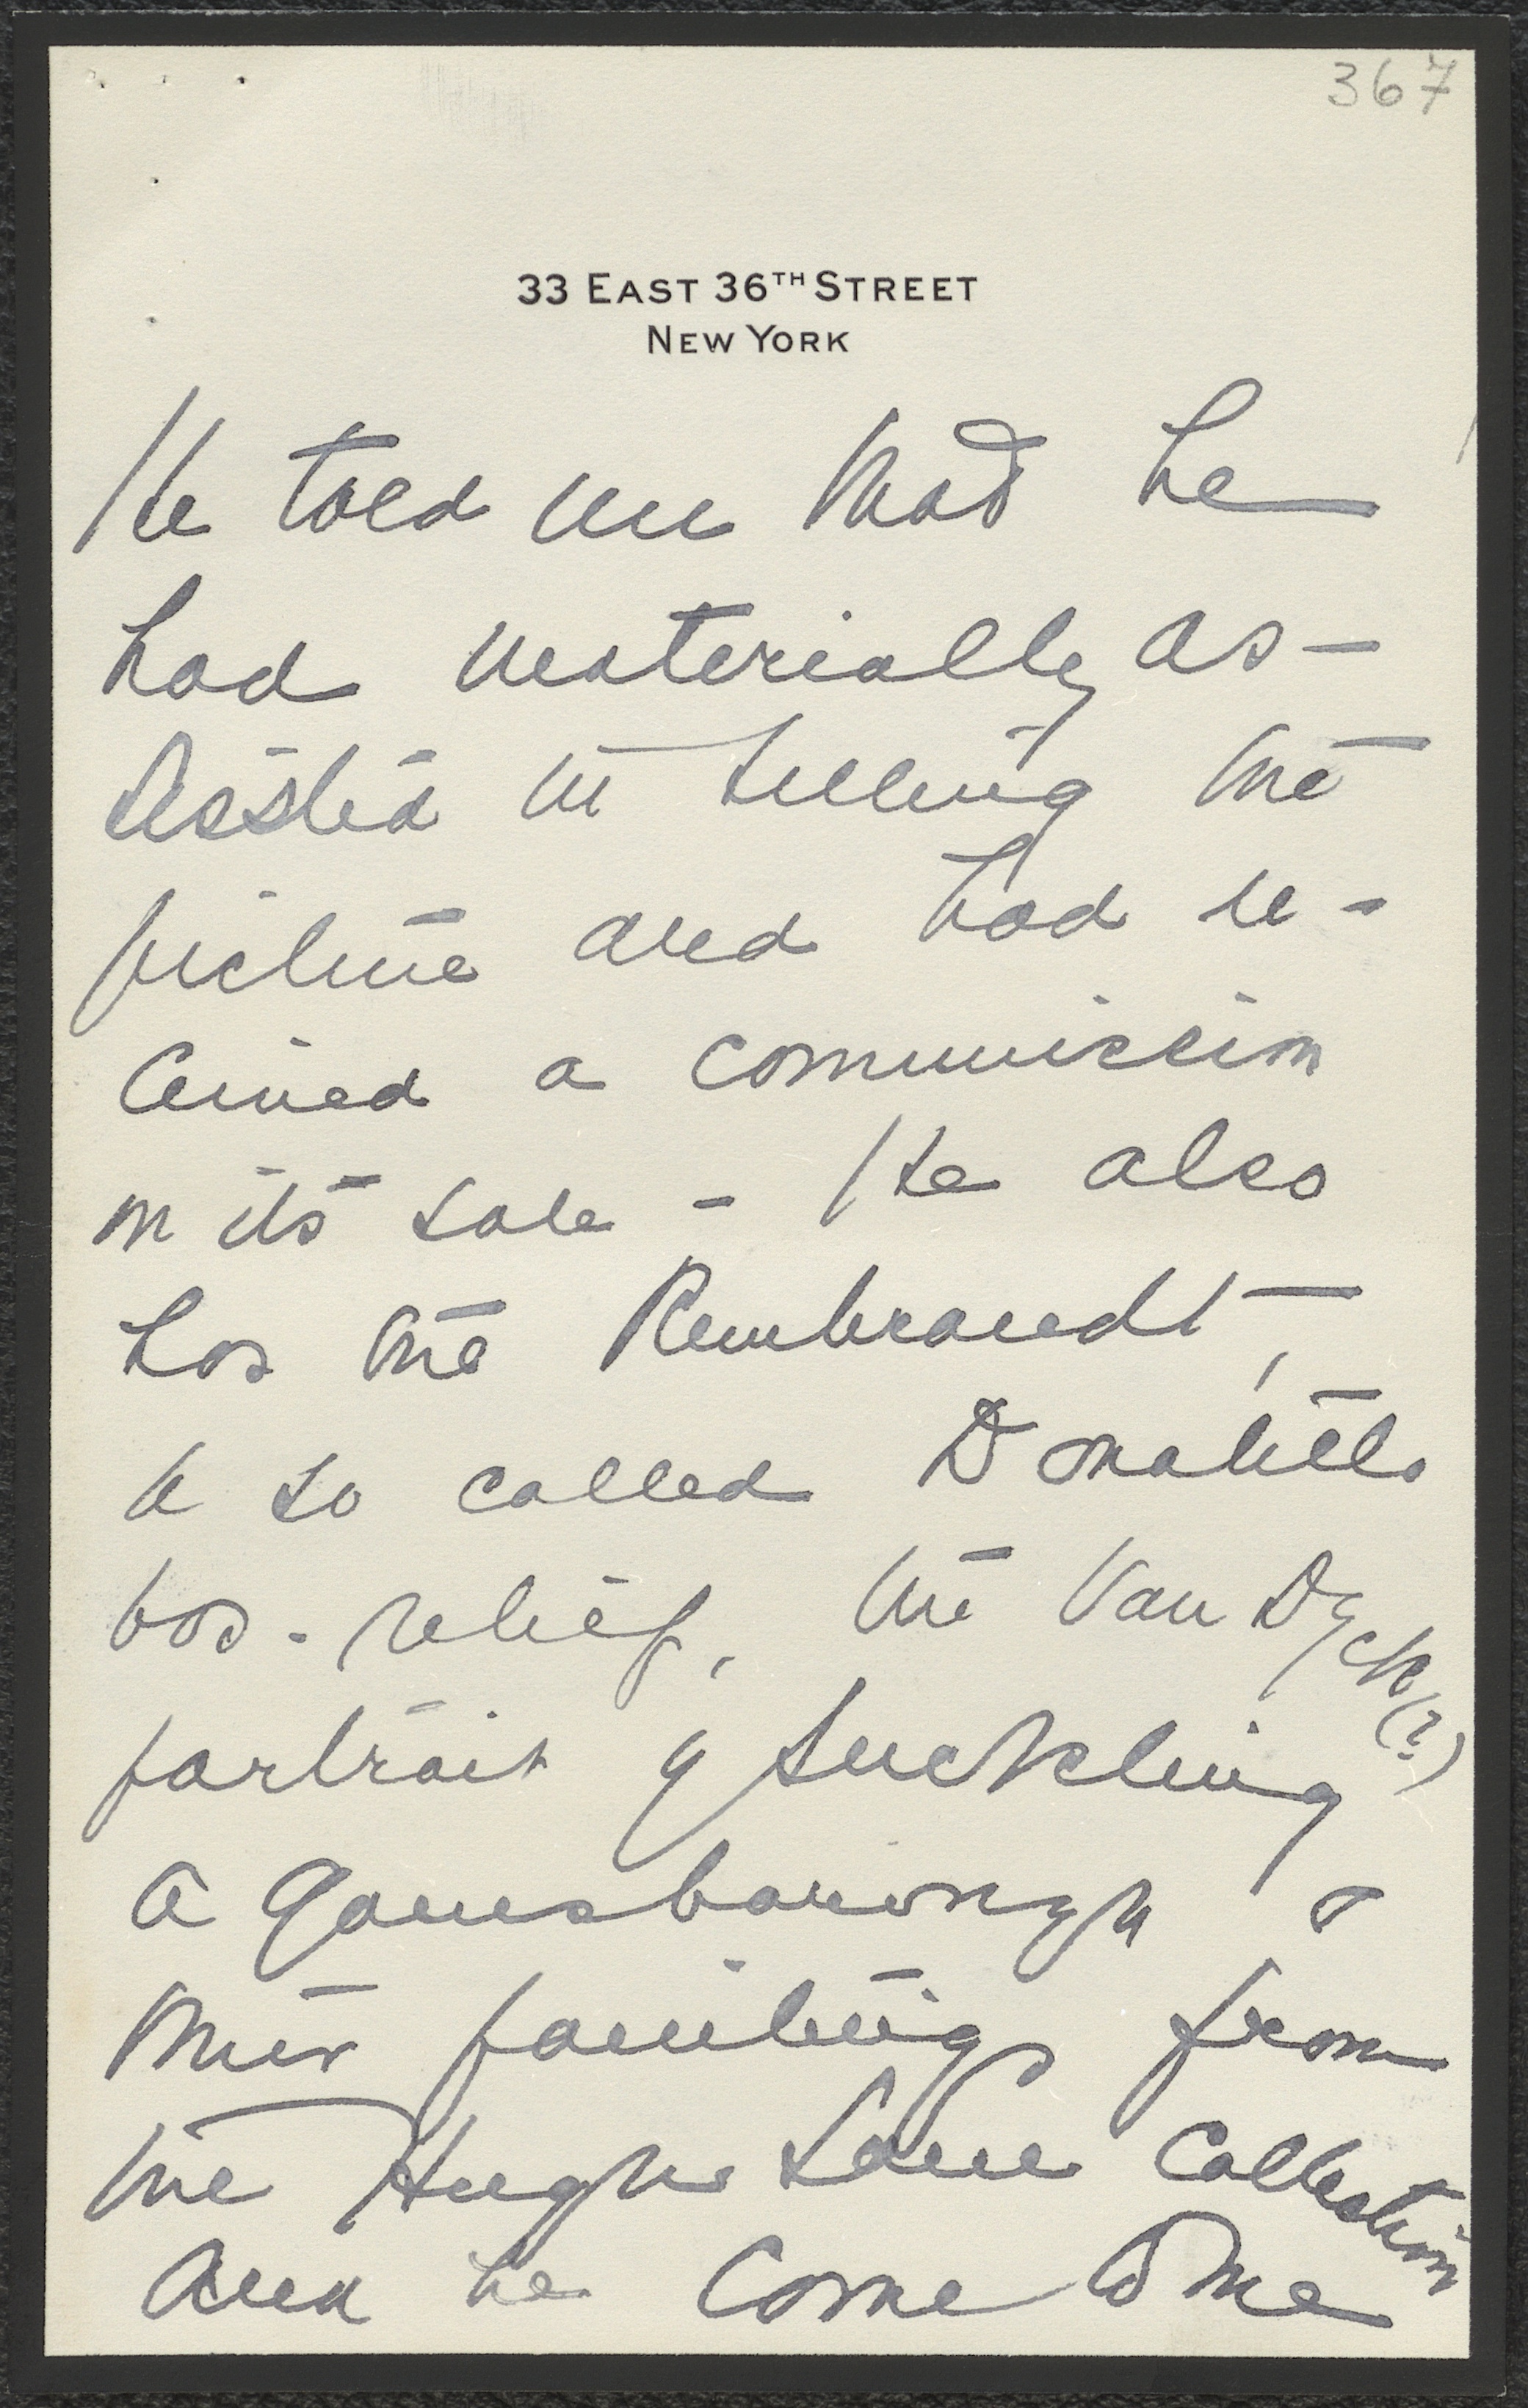He told me that he had materially assisted in selling the picture and had received a commission on its sale – He also has the Rembrandt, a so called Donatello bas-relief, the Van Dyck(?) portrait of Suckling a Gainsborough & other paintings from the Hugh Lane collection and he came to me